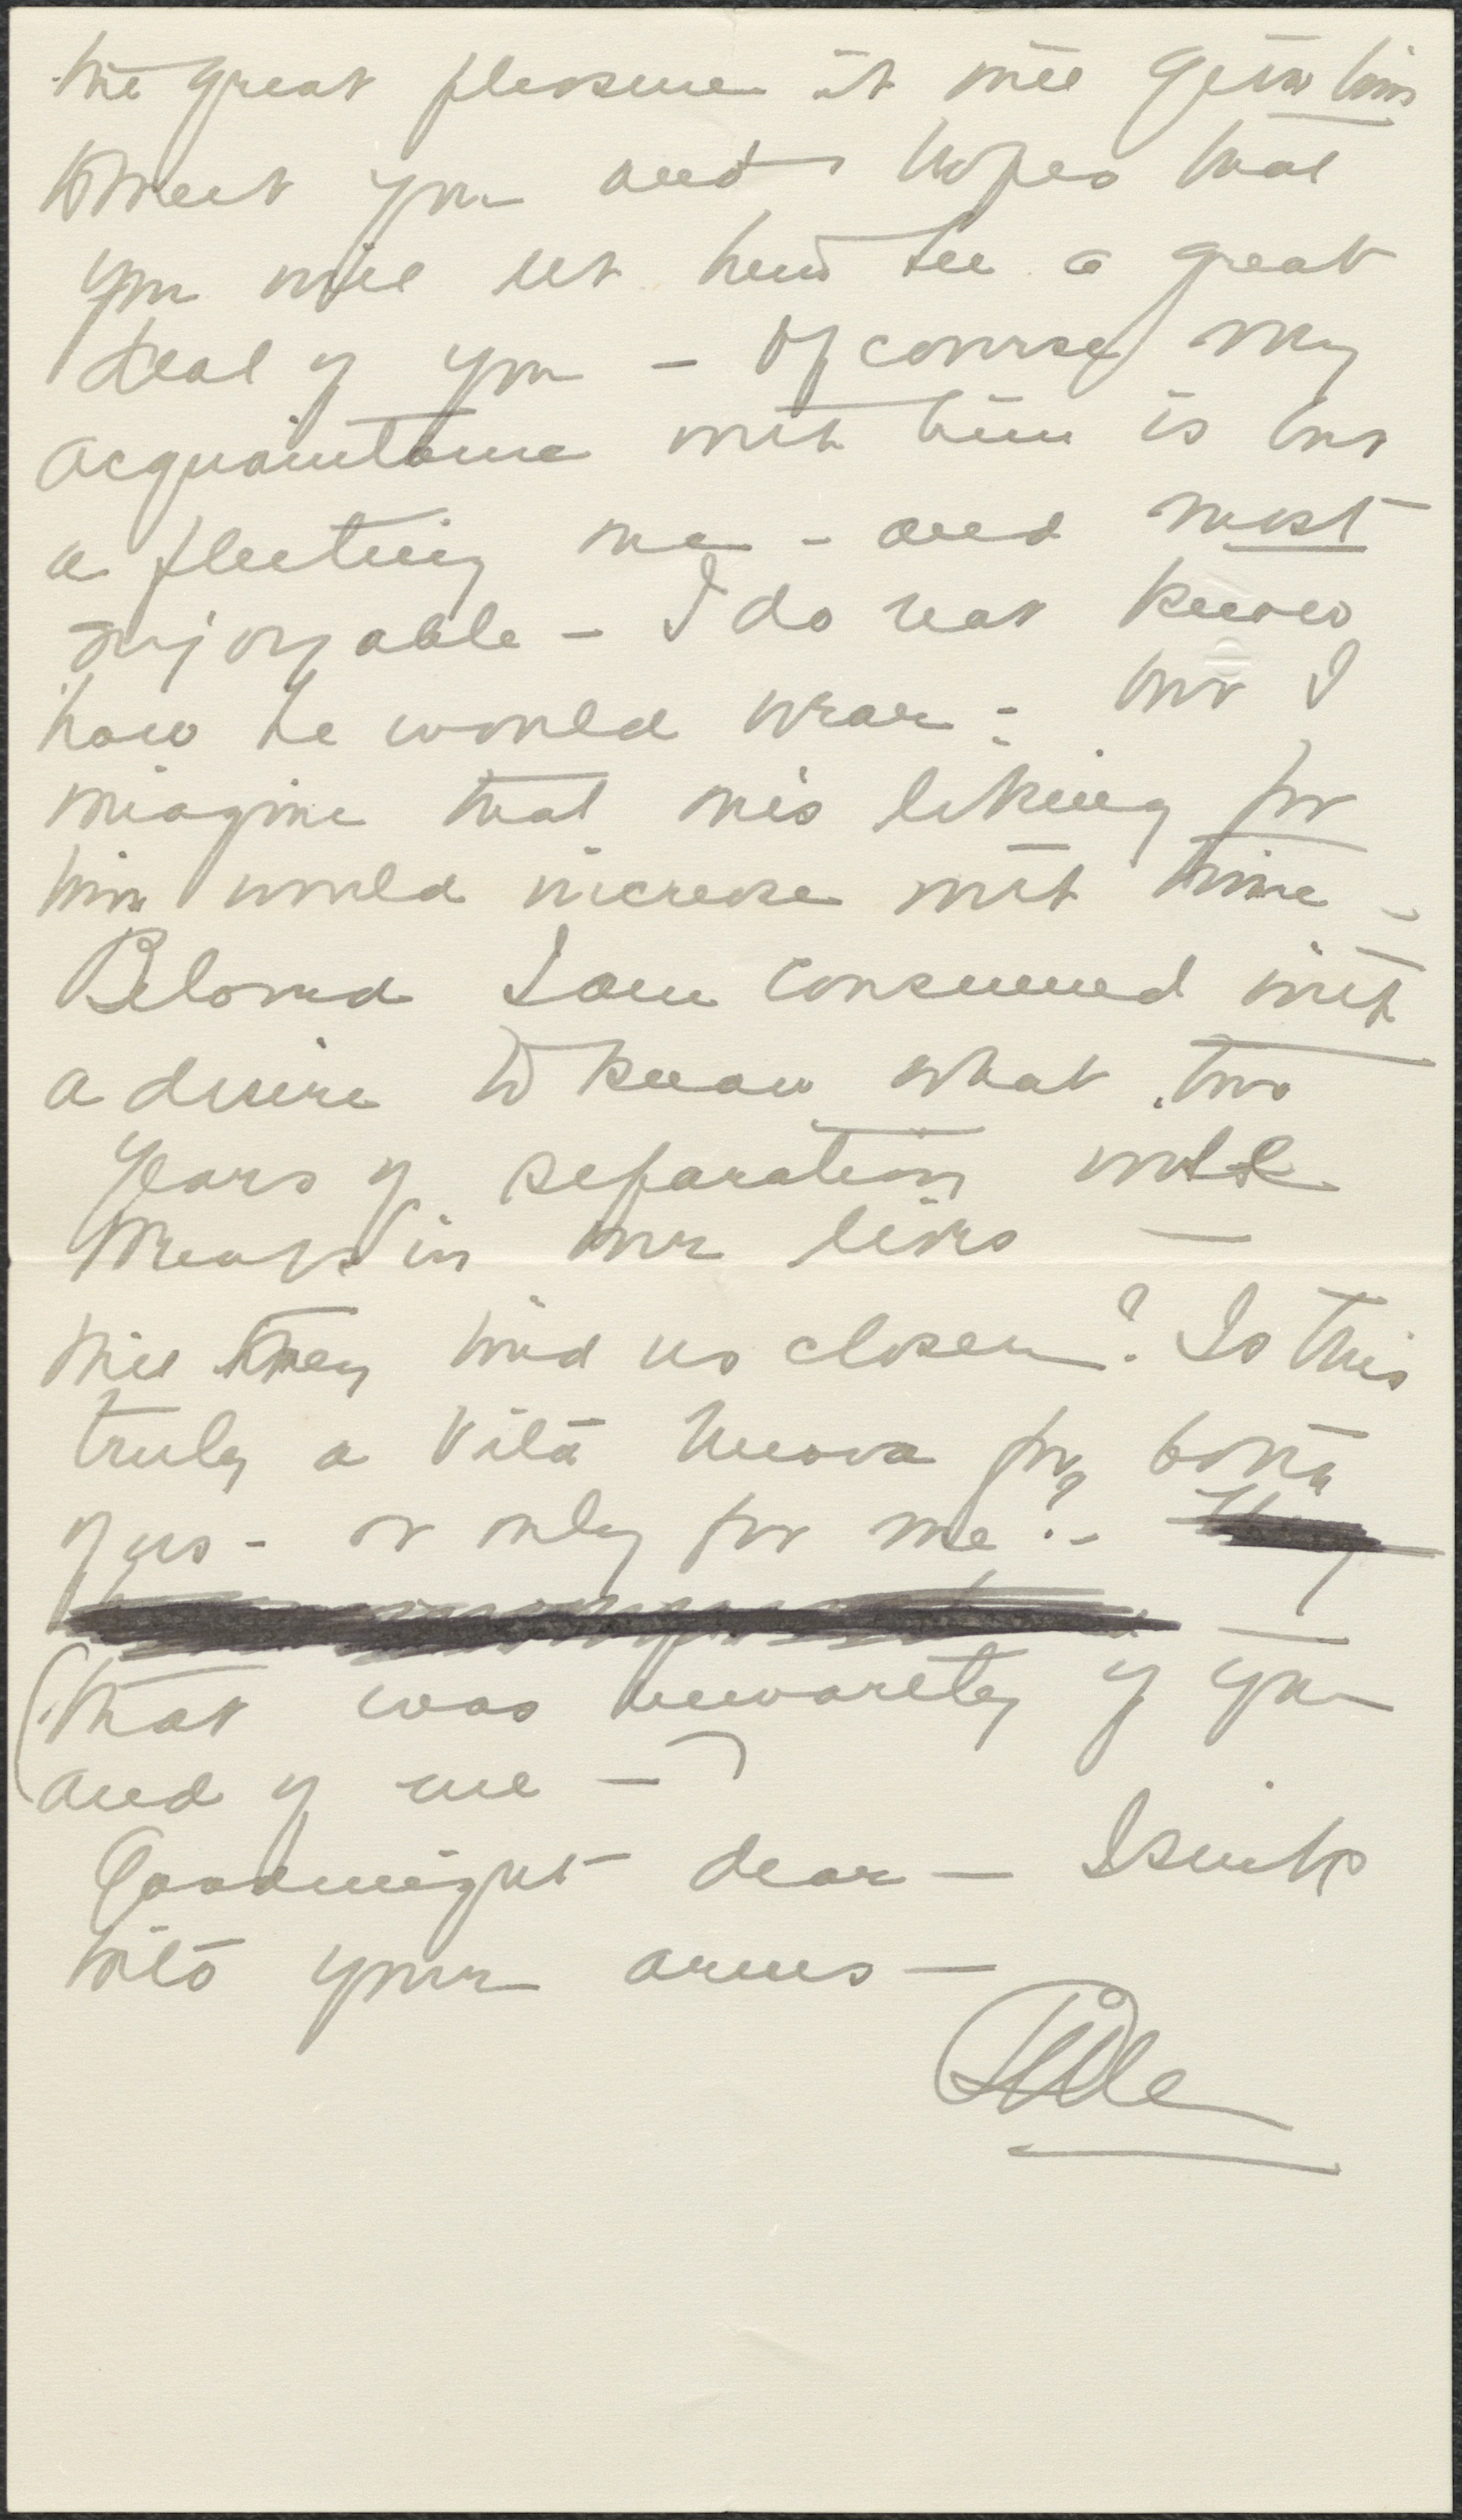the great pleasure it will give him to meet you and hopes that you will let him see a great deal of you – Of course my acquaintance with him is but a fleeting one – and most enjoyable – I do not know how he would wear – but I imagine that one’s liking for him would increase with time –
Beloved I am consumed with a desire to know what two years of separation will mean in our lives –
Will they bind us closer? Is this truly a Vita Nuova for both of us – or only for me? – They [illegible deletions] – (that was unworthy of you and of me – )
Goodnight dear – I sink into your arms –
Belle